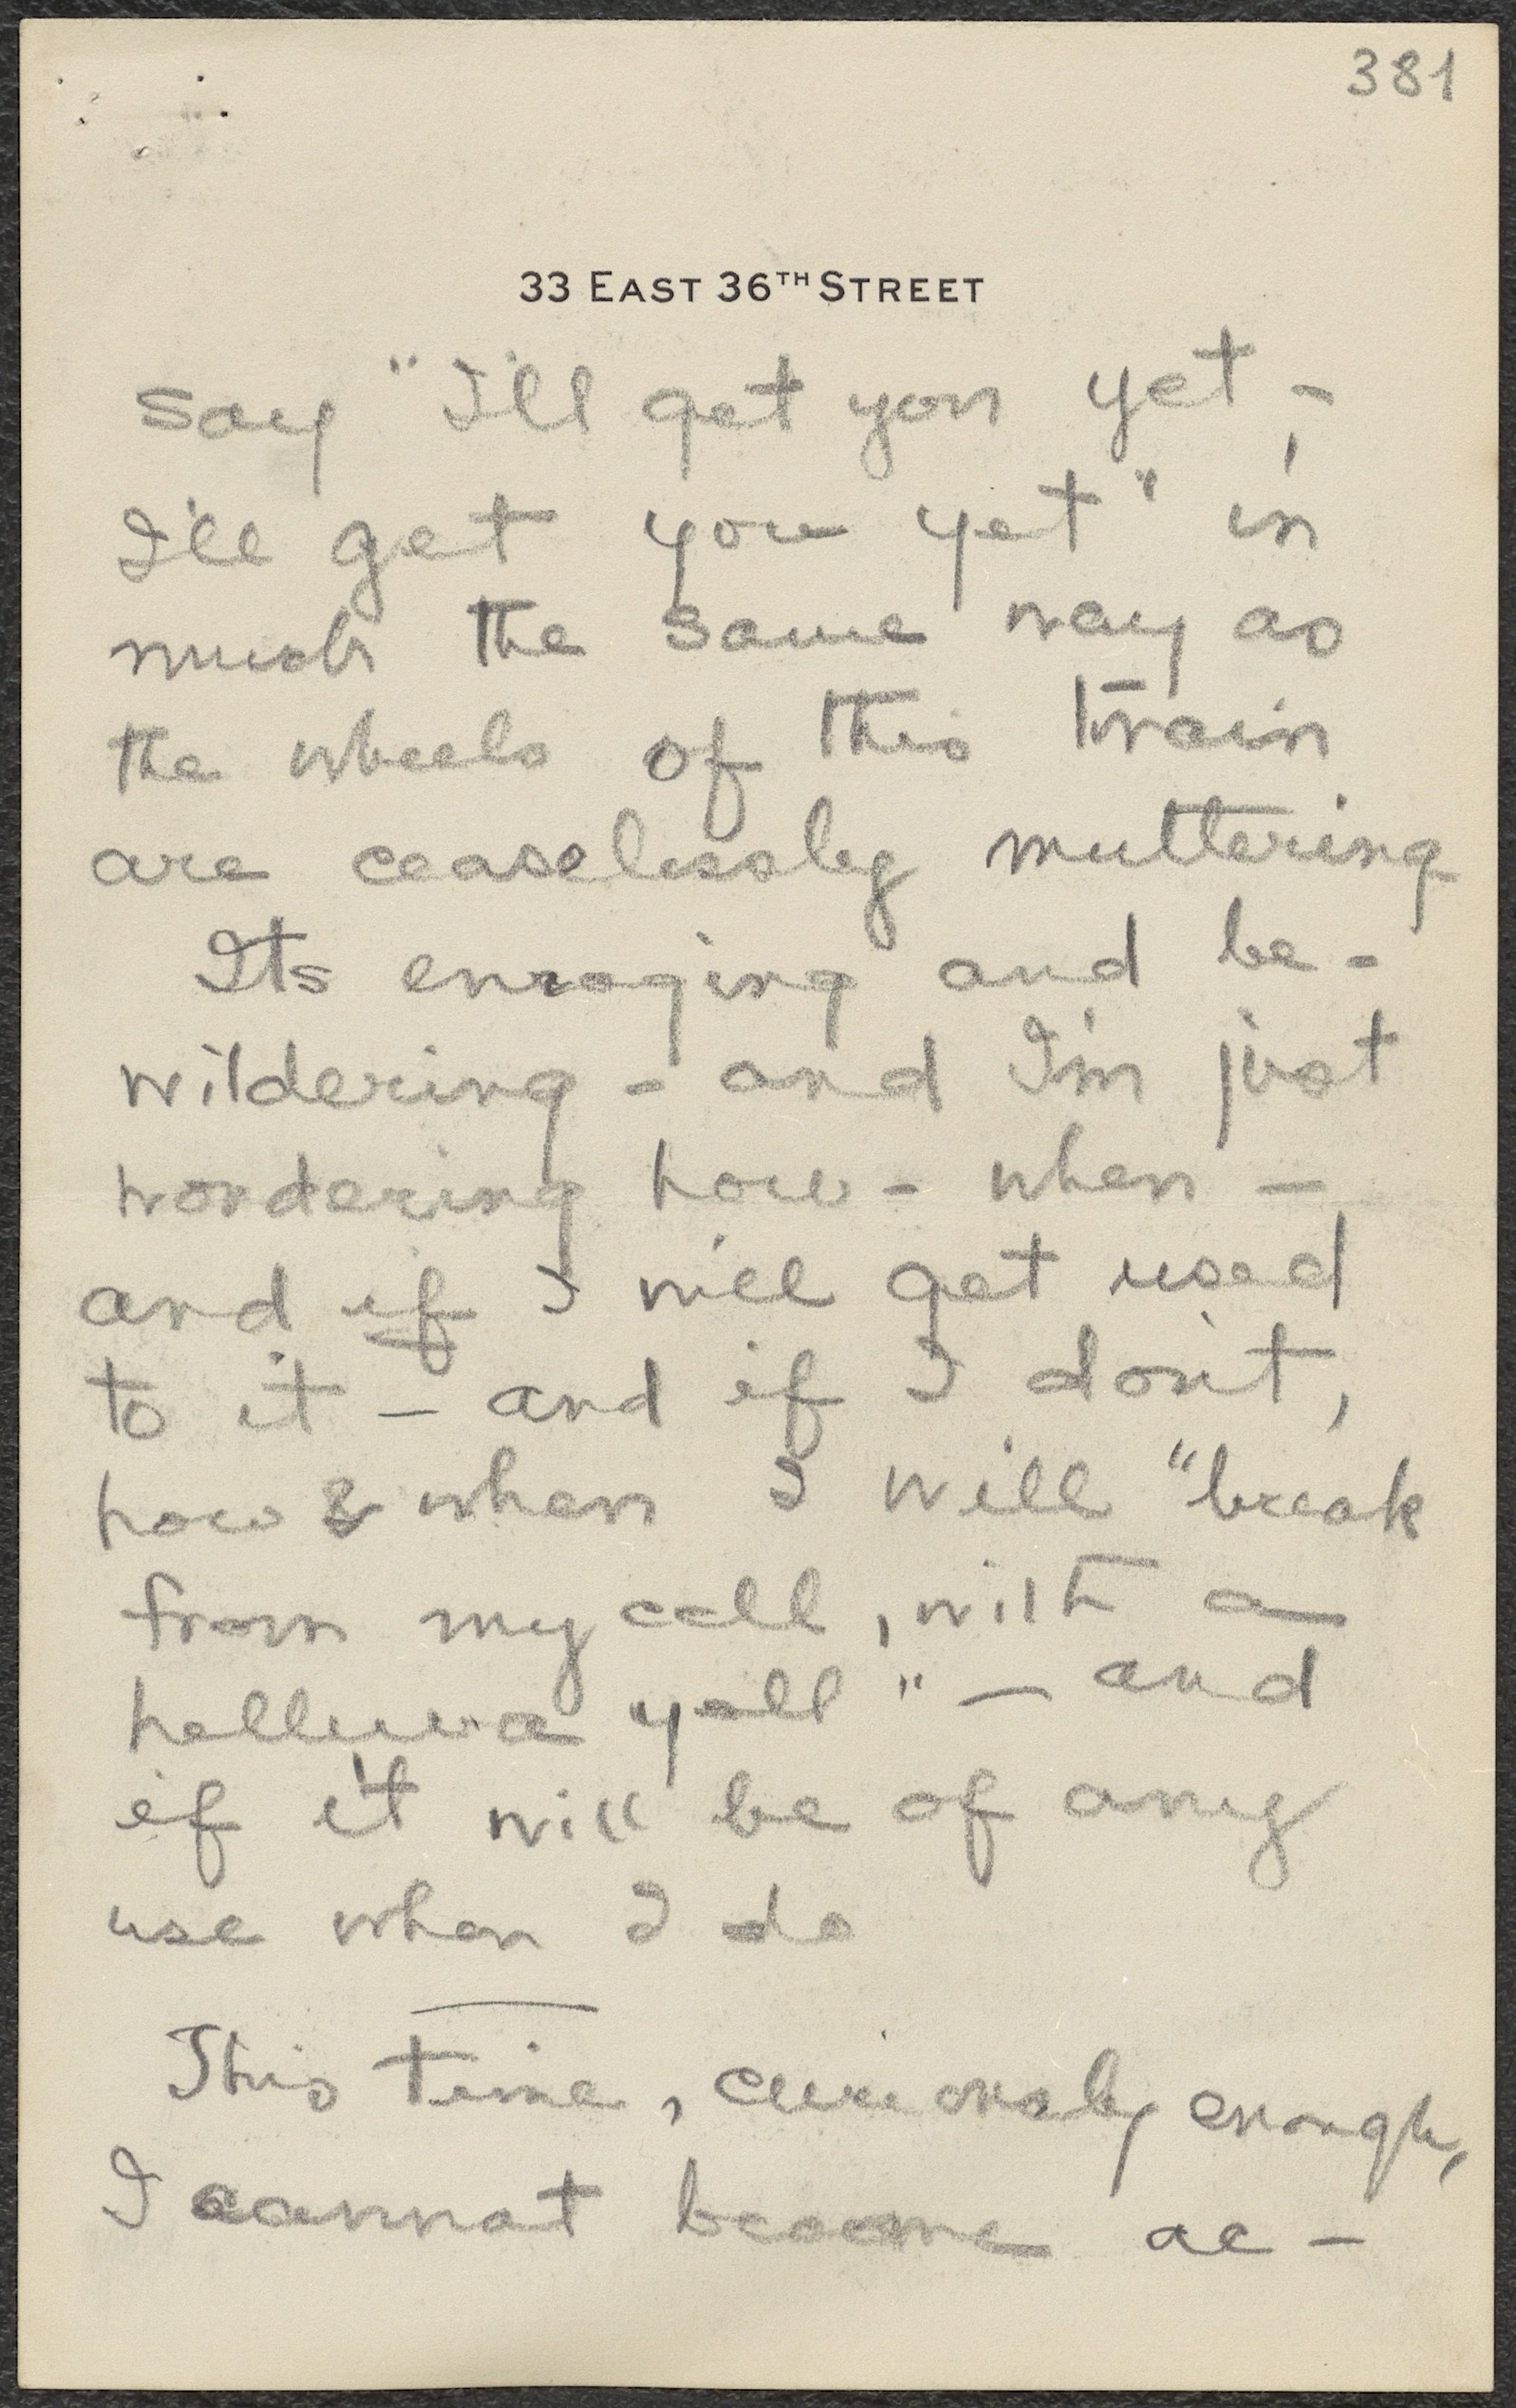say “I’ll get you yet – I’ll get you yet” in much the same way as the wheels of this train are ceaselessly muttering –
Its [sic] enraging and bewildering – and I’m just wondering how – when – and if I will get used to it – and if I don’t, how & when I will “break from my cell, with a helluva yell” – and if it will be of any use when I do.
This time, curiously enough, I cannot become